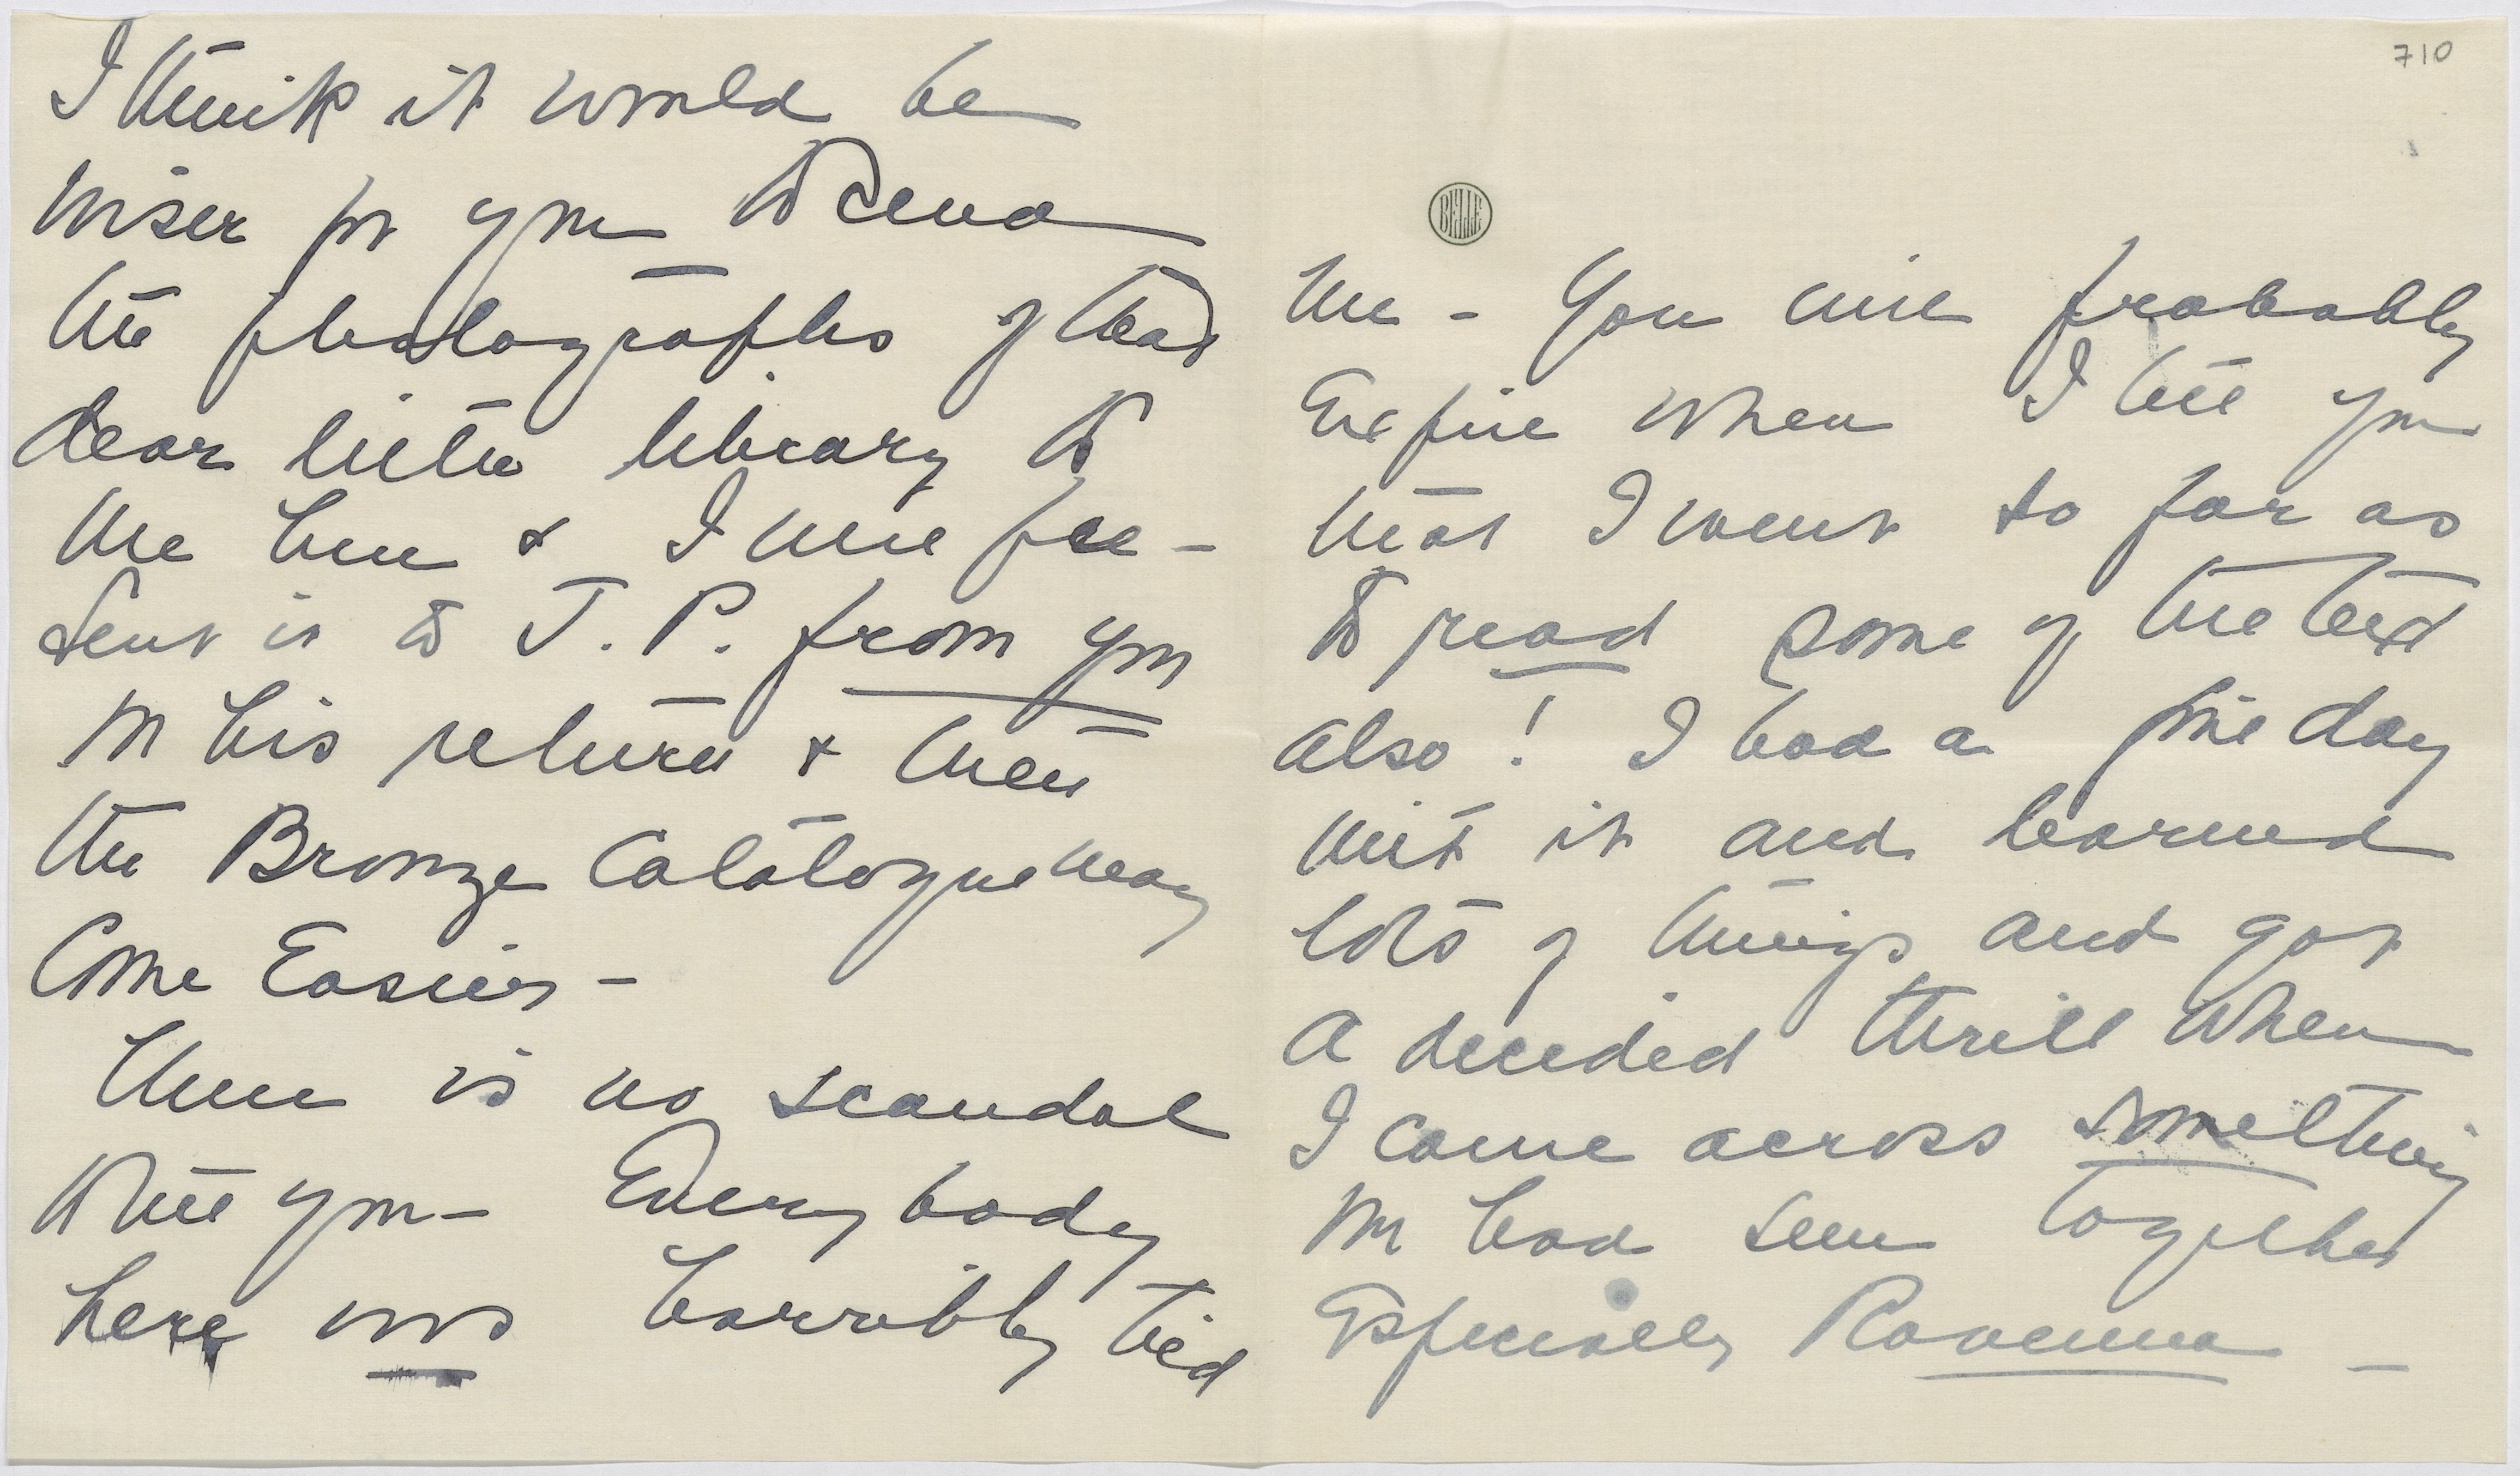me – You will probably expire when I tell you that I went so far as to read some of the text also! I had a fine day with it and learned lots of things and got a decided thrill when I came across something we had seen together especially Ravenna –
I think it would be wiser for you to send the photographs of that dear little library to me here & I will present it to J. P. from you on his return & then the Bronze Catalogue may come easier –
There is no scandal to tell you – Every body here was horribly tied